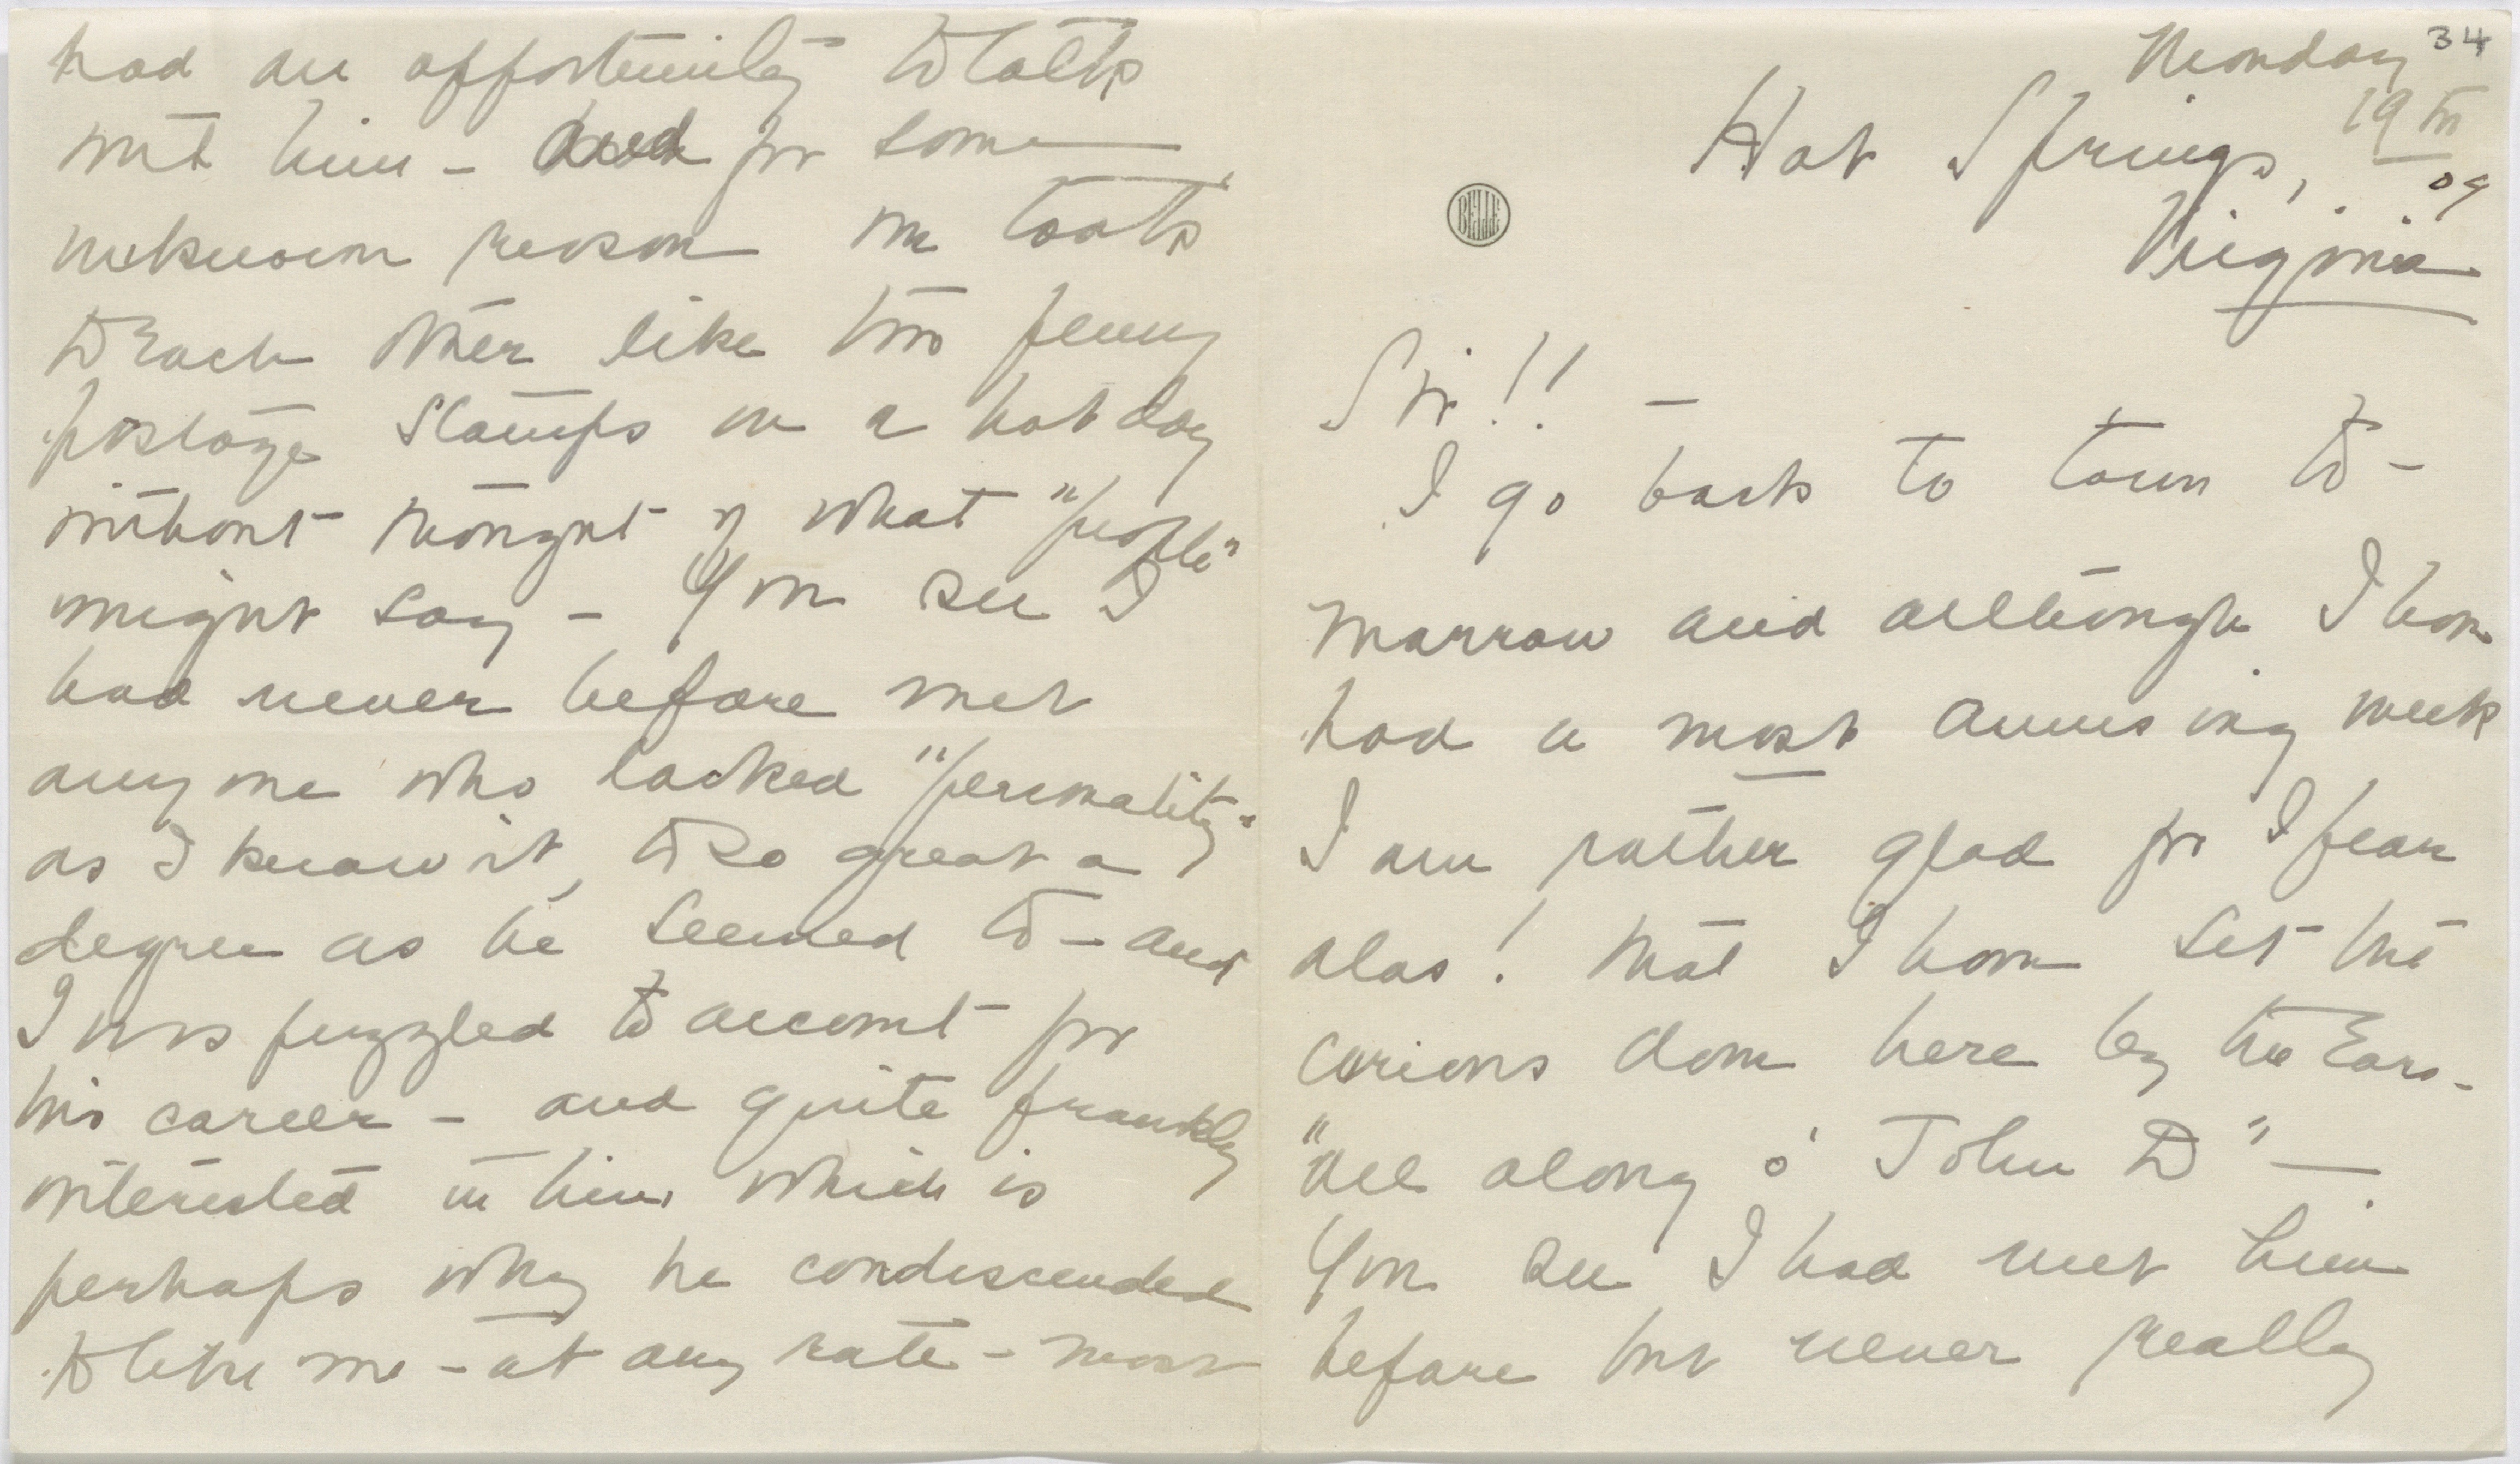Monday
19th
Hot Springs,
Virginia
Sir!! –
I go back to town tomorrow and although I have had a most amusing week I am rather glad for I fear alas! that I have set the curious down here by the ears – “all along o’ John D” – You see I had met him before but never really
had an opportunity to talk with him – but and for some unknown reason we took to each other like two penny postage stamps on a hot day without thought of what “people” might say – You see I had never before met anyone who lacked “personality” as I know it, to so great a degree as he seemed to – and I was puzzled to account for his career – and quite frankly interested in him which is perhaps why he condescended to like me – at any rate – most